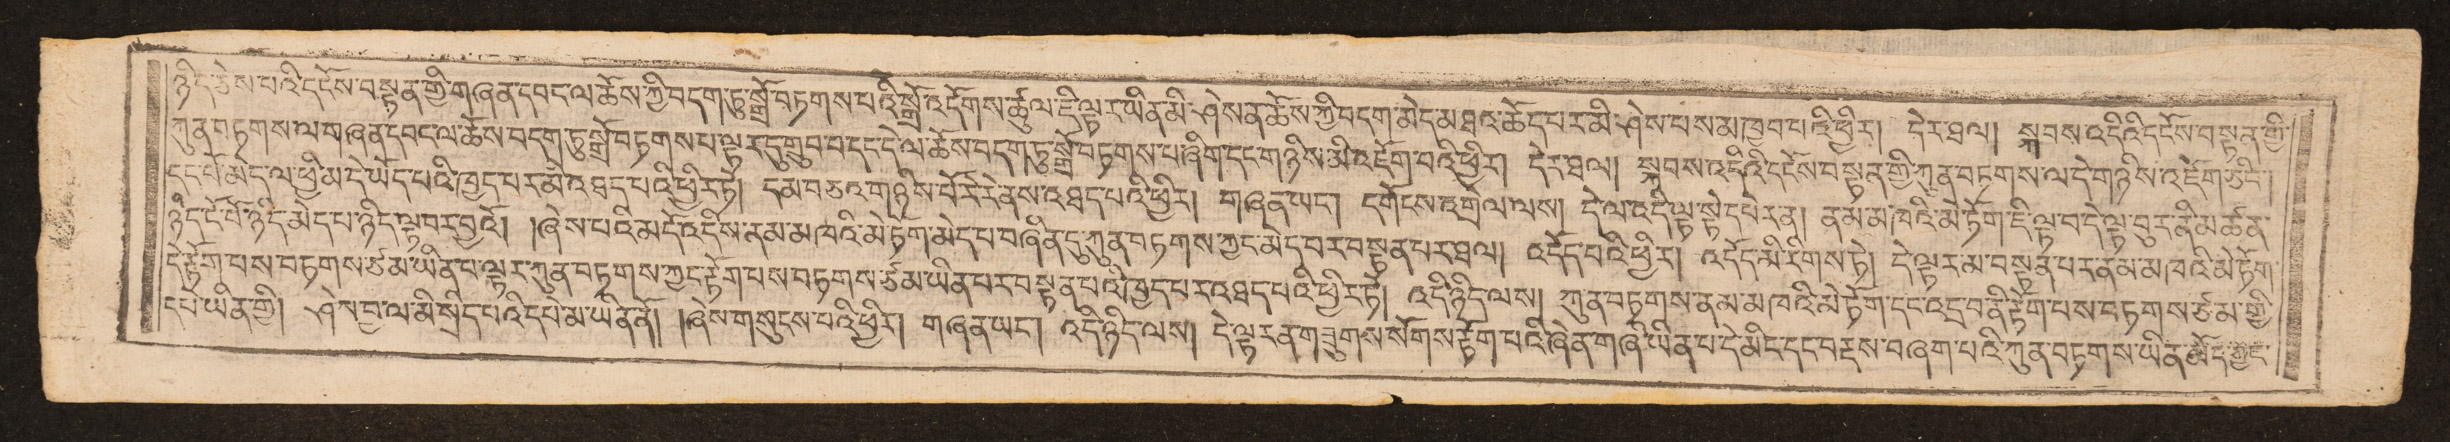ཉིད་ཅེས་པའི་དངོས་བསྟན་གྱི་གཞན་དབང་ལ་ཆོས་ཀྱི་བདག་ཏུ་སྒྲོ་བཏགས་པའི་སྒྲོ་འདོགས་ཚུལ་ཇི་ལྟར་ཡིན་མི་ཤེས་ན་ཆོས་ཀྱི་བདག་མེད་མཐའ་ཆོད་པར་མི་ཤེས་པས་མ་ཁྱབ་པའི་ཕྱིར། དེར་ཐལ། སྐབས་འདིའི་དངོས་བསྟན་གྱི་
ཀུན་བཏགས་ལ་གཞན་དབང་ལ་ཆོས་བདག་ཏུ་སྒྲོ་བཏགས་པ་ལྟར་དུ་གྲུབ་པ་དང་དེ་ལ་ཆོས་བདག་ཏུ་སྒྲོ་བཏགས་པ་ཞིག་དང་གཉིས་མི་འཇོག་པའི་ཕྱིར། དེར་ཐལ། སྐབས་འདིའི་དངོས་བསྟན་གྱི་ཀུན་བཏགས་ལ་དེ་གཉིས་འཛག་ཅིང་།
དང་པོ་མེད་ལ་ཕྱི་མ་དེ་ཡོད་པའི་ཁྱད་པར་མི་འཐད་པའི་ཕྱིར་ཏེ། དམ་བཅའ་གཉིས་པོ་རེ་རེ་ནས་འཐད་པའི་ཕྱིར། གཞན་ཡང་། དགོངས་འགྲེལ་ལས། དེ་ལ་འདི་ལྟ་སྟེ་དཔེར་ན། ནམ་མཁའི་མེ་ཏོག་ཇི་ལྟ་བ་དེ་ལྟ་བུར་ནི་མཚན་
ཉིད་ངོ་བོ་ཉིད་མེད་པ་ཉིད་ལྟ་བར་བྱའོ། །ཞེས་པའི་མདོ་འདིས་ནམ་མཁའི་མེ་ཏོག་མེད་པ་བཞིན་དུ་ཀུན་བཏགས་ཀྱང་མེད་པར་བསྟན་པར་ཐལ། འདོད་པའི་ཕྱིར། འདོད་མི་རིགས་ཏེ། དེ་ལྟར་མ་བསྟན་པར་ནམ་མཁའི་མེ་ཏོག་
དེ་རྟོག་པས་བཏགས་ཙམ་ཡིན་པ་ལྟར་ཀུན་བཏགས་ཀྱང་རྟོག་པས་བཏགས་ཙམ་ཡིན་པར་བསྟན་པའི་ཁྱད་པར་འཐད་པའི་ཕྱིར་ཏེ། འདི་ཉིད་ལས། ཀུན་བཏགས་ནམ་མཁའི་མེ་ཏོག་དང་འདྲ་བ་ནི་རྟོག་པས་བཏགས་ཙམ་གྱི་
དཔེ་ཡིན་གྱི། ཤེས་བྱ་ལ་མི་སྲིད་པའི་དཔེ་མ་ཡིན་ནོ། །ཞེས་གསུངས་པའི་ཕྱིར། གཞན་ཡང་། འདི་ཉིད་ལས། དེ་ལྟར་ན་གཟུགས་སོགས་རྟོག་པའི་ཞེན་གཞི་ཡིན་པ་དེ་མིང་དང་བརྡས་བཞག་པའི་ཀུན་བཏགས་ཡིན་མོད་ཀྱང་